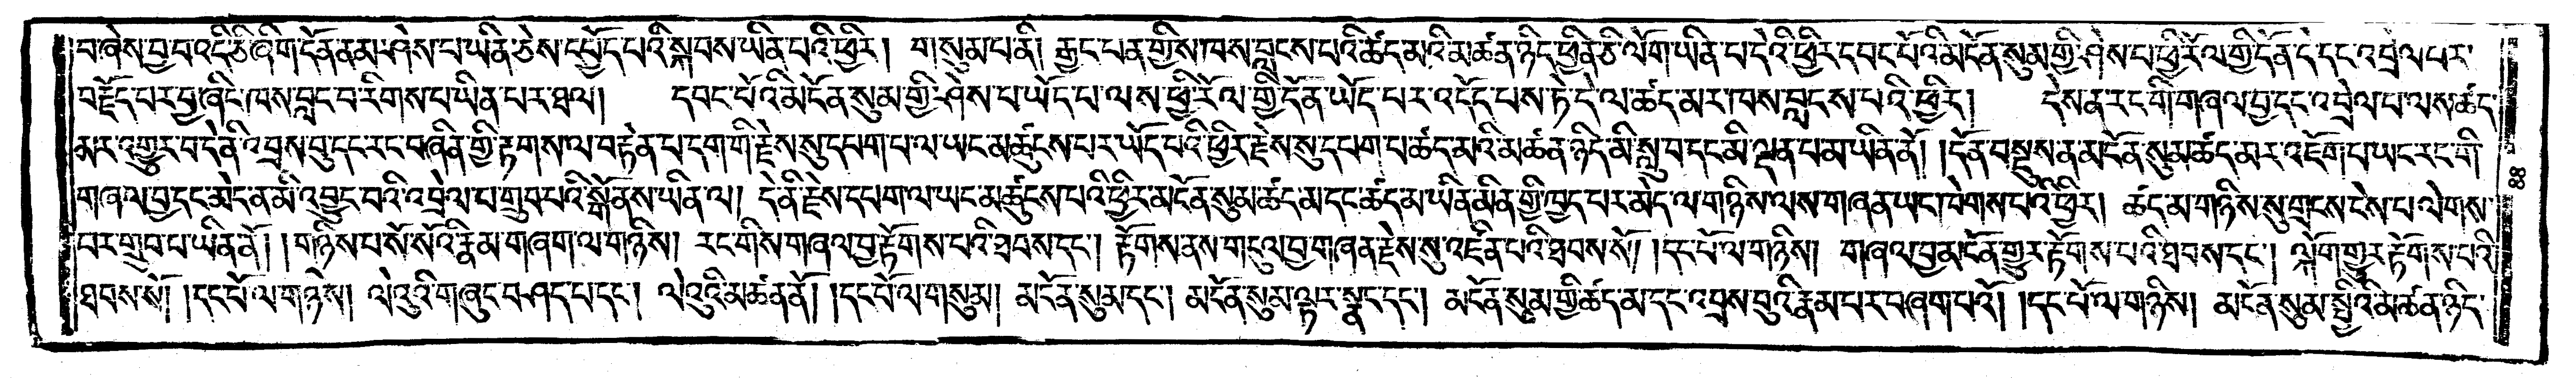བ་ཞེས་བྱ་བ་འདི་ཅི་ཞིག་དོན་ནམ་ཤེས་པ་ཡིན་ཅེས་དཔྱོད་པའི་སྐབས་ཡིན་པའི་ཕྱིར། གསུམ་པ་ནི། རྒྱང་པན་གྱིས་ཁས་བླངས་པའི་ཚད་མའི་མཚན་ཉིད་ཕྱིན་ཅི་ལོག་ཡིན་པ་དེའི་ཕྱིར་དབང་པོའི་མངོན་སུམ་གྱི་ཤེས་པ་ཕྱི་རོལ་གྱི་དོན་དེ་དང་འབྲེལ་པར་
བརྗོད་པར་བྱ་ཞིང་ཁས་བླང་བ་རིགས་པ་ཡིན་པར་ཐལ། དབང་པོའི་མངོན་སུམ་གྱི་ཤེས་པ་ཡོད་པ་ལས་ཕྱི་རོལ་གྱི་དོན་ཡོད་པར་འདོད་པས་ཏེ་དེ་ལ་ཚད་མར་ཁས་བླངས་པའི་ཕྱིར། དེས་ན་རང་གི་གཞལ་བྱ་དང་འབྲེལ་པ་ལས་ཚད་
མར་འགྱུར་བ་དེ་ནི་འབྲས་བུ་དང་རང་བཞིན་གྱི་རྟགས་ལ་བརྟེན་པ་དག་གི་རྗེས་སུ་དཔག་པ་ལ་ཡང་མཚུངས་པར་ཡོད་པའི་ཕྱིར་རྗེས་སུ་དཔག་པ་ཚད་མའི་མཚན་ཉིད་མི་སླུ་བ་དང་མི་ལྡན་པ་མ་ཡིན་ནོ། །དོན་བསྡུས་ན་མངོན་སུམ་ཚད་མར་འཇོག་པ་ཡང་རང་གི་
གཞལ་བྱ་དང་མེད་ན་མི་འབྱུང་བའི་འབྲེལ་པ་གྲུབ་པའི་སྒོ་ནས་ཡིན་ལ། དེ་ནི་རྗེས་དཔག་ལ་ཡང་མཚུངས་པའི་ཕྱིར་མངོན་སུམ་ཚད་མ་དང་ཚད་མ་ཡིན་མིན་གྱི་ཁྱད་པར་མེད་ལ་གཉིས་ལས་གཞན་ཡང་ཁེགས་པའི་ཕྱིར། ཚད་མ་གཉིས་སུ་གྲངས་ངེས་པ་ལེགས་
པར་གྲུབ་པ་ཡིན་ནོ། །གཉིས་པ་སོ་སོའི་རྣམ་གཞག་ལ་གཉིས། རང་གིས་གཞལ་བྱ་རྟོགས་པའི་ཐབས་དང་། རྟོགས་ནས་གདུལ་བྱ་གཞན་རྗེས་སུ་འཛིན་པའི་ཐབས་སོ། །དང་པོ་ལ་གཉིས། གཞལ་བྱ་མངོན་གྱུར་རྟོགས་པའི་ཐབས་དང་། ལྐོག་གྱུར་རྟོགས་པའི་
ཐབས་སོ། །དང་པོ་ལ་གཉིས། ལེའུའི་གཞུང་བཤད་པ་དང་། ལེའུའི་མཚན་ནོ། །དང་པོ་ལ་གསུམ། མངོན་སུམ་དང་། མངོན་སུམ་ལྟར་སྣང་དང་། མངོན་སུམ་གྱི་ཚད་མ་དང་འབྲས་བུའི་རྣམ་པར་བཞག་པའོ། །དང་པོ་ལ་གཉིས། མངོན་སུམ་སྤྱིའི་མཚན་ཉིད་